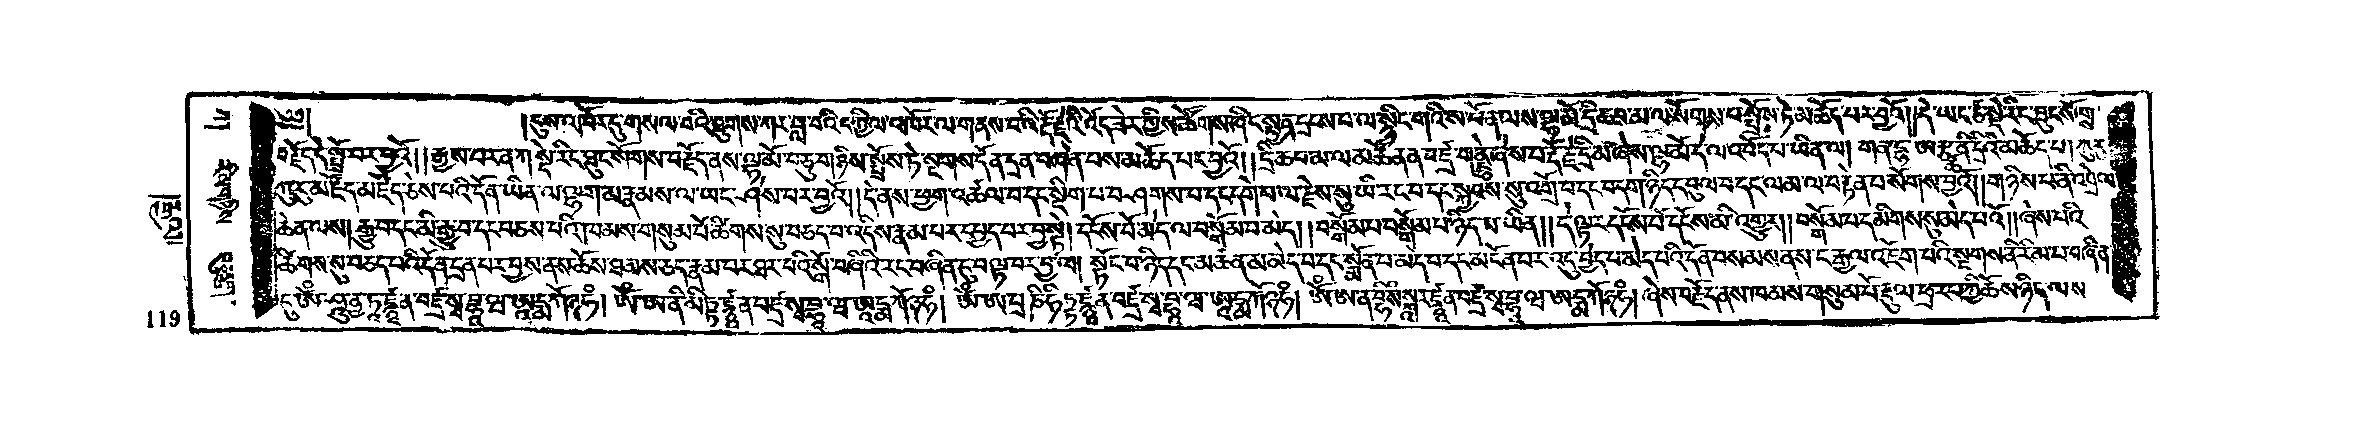༄༅། །དུས་འཁོར་དུ་གསལ་བའི་ཐུགས་ཀར་བླ་བའི་དཀྱིལ་འཁོར་ལ་གནས་པའི་རྡོ་རྗེའི་འོད་ཟེར་གྱིས་ཚོགས་ཞིང་སྤྱན་དྲངས་པ་ལ་སྙིང་གའི་ས་བོན་ལས་ལྷ་མོ་དྲི་ཆབ་མ་ལ་སོགས་པ་སྤྲོས་ཏེ་མཆོད་པར་བྱའོ། །དེ་ཡང་ཙ་སྡེ་རིང་ཐུང་སོགས་
བརྗོད་དེ་སྤྲོ་བར་བྱའོ། །རྒྱས་པར་ན་ཀ་སྡེ་རིང་ཐུང་སོགས་བརྗོད་ནས་ལྷ་མོ་བཅུ་གཉིས་སྤྲོས་ཏེ་སྔགས་དོན་དྲན་བཞིན་པས་མཆོད་པར་བྱའོ། །དྲི་ཆབ་མ་ལ་མཚོན་ན་བྫྲ་གནདྷེ་ཞེས་པ་རྡོ་རྗེ་དྲི་མ་ཞེས་ལྷ་མོ་དེ་ལ་འབོད་པ་ཡིན་ལ། གན་དྷ་ཨ་རྩྪ་ནི་དྲིའི་མཆོད་པ། ཀུ་རུ་
ཀུ་རུ་མཛོད་མཛོད་ཅེས་པའི་དོན་ཡིན་ལ་ལྷག་མ་རྣམས་ལ་ཡང་ཤེས་པར་བྱའོ། །དེ་ནས་ཕྱག་འཚལ་བ་དང་སྡིག་པ་བཤགས་པ་དང་དགེ་བ་ལ་རྗེས་སུ་ཡི་རང་བ་དང་སྐྱབས་སུ་འགྲོ་བ་དང་བདག་ཉིད་དབུལ་བ་དང་ལམ་ལ་བརྟེན་པ་སོགས་བྱའོ། །གཉིས་པ་ནི་འབྲེལ་
ཆེན་ལས། རྒྱུ་བ་དང་མི་རྒྱུ་བ་དང་བཅས་པའི་ཁམས་གསུམ་པོ་ཚིགས་སུ་བཅད་པ་འདིས་རྣམ་པར་དཔྱད་པར་བྱ་སྟེ། དངོས་པོ་མེད་ལ་བསྒོམ་པ་མེད། །བསྒོམ་པ་བསྒོམ་པ་ཉིད་མ་ཡིན། །དེ་ལྟར་དངོས་པོ་དངོས་མི་འགྱུར། །བསྒོམ་པ་དམིགས་སུ་མེད་པའོ། །ཞེས་པའི་
ཚིགས་སུ་བཅད་པའི་དོན་དྲན་པར་བྱས་ནས་ཆོས་ཐམས་ཅད་རྣམ་པར་ཐར་པའི་སྒོ་བཞིའི་རང་བཞིན་དུ་བལྟ་བར་བྱ་ལ། སྟོང་པ་ཉིད་དང་མཚན་མ་མེད་པ་དང་སྨོན་པ་མེད་པ་དང་མངོན་པར་འདུ་བྱེད་པ་མེད་པའི་དོན་བསམས་ནས་ང་རྒྱལ་འཇོག་པའི་སྔགས་ནི་རིམ་པ་བཞིན་
དུ་ཨོཾ་ཤཱུ་ནཡ་ཏཱ་ཛྙཱ་ན་བྫྲ་སྭ་བྷཱ་ཝ་ཨའྔམ་ཀོ་ཉ་ཧོ། ཨོཾ་ཨ་ནི་མི་ཏྟ་ཛྙཱ་ན་བྫྲ་སྭ་བྷཱ་ཝ་ཨཱངམ་ཀོ་ཉ་ཧཾ། ཨོཾ་ཨ་པྲ་ཎི་ཧི་ཏྟ་ཛྙཱ་ན་བྫྲ་སྭ་བྷཱ་ཝ་ཨའྔམ་ཀོ་ཉ་ཧཾ། ཨོཾ་ཨ་ན་བྷི་སཾ་སྐཱར་ཛྙན་བྫྲ་སྭ་བྷཱ་ཝ་ཨངམ་ཀོ་ཉ་ཧཾ། ཞེས་བརྗོད་ནས་ཁམས་གསུམ་པོ་རྡུལ་ཕྲ་རབ་ཀྱི་ཆོས་ཉིད་ལས་